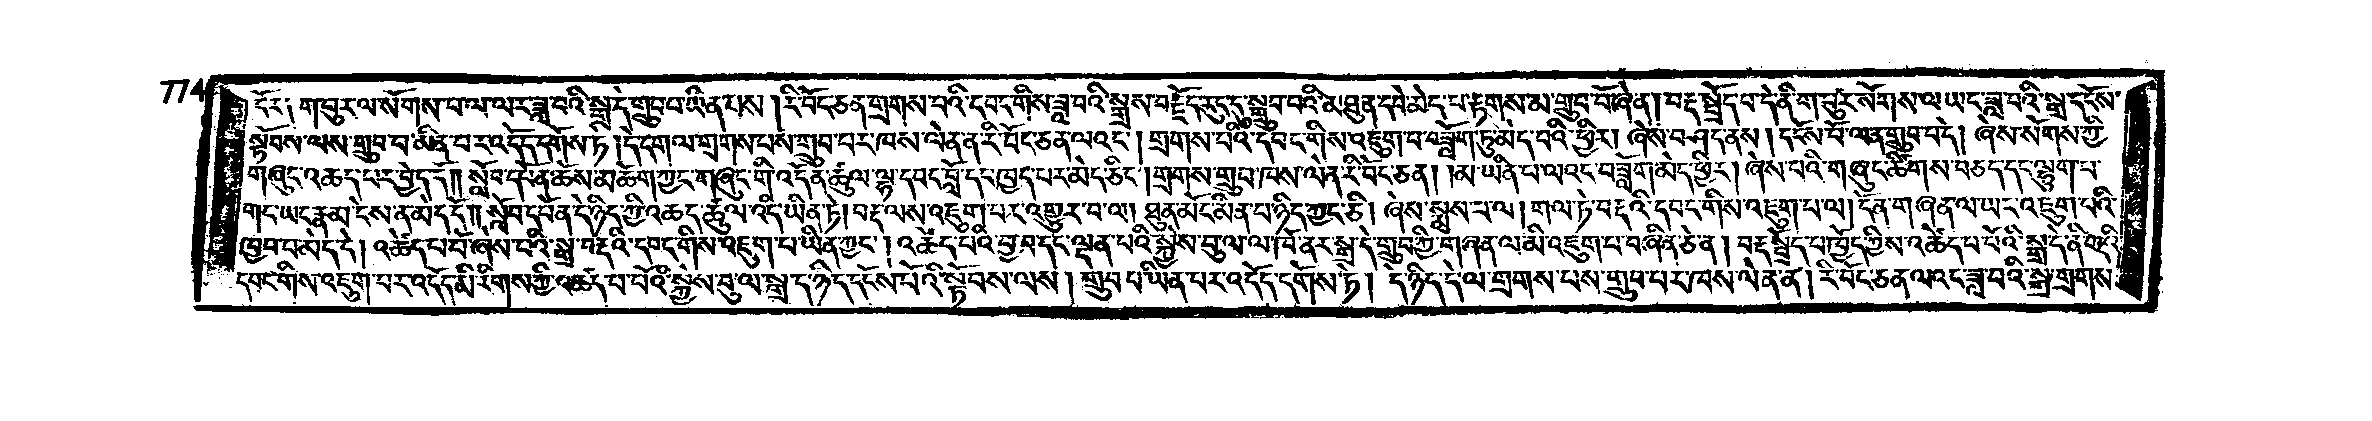དོར། ག་པུར་ལ་སོགས་པ་ལ་ལར་ཟླ་བའི་སྒྲ་དེ་གྲུབ་བ་ཡིན་པས། རི་བོང་ཅན་གྲགས་པའི་དབང་གིས་ཟླ་བའི་སྒྲས་བརྗོད་རུང་དུ་སྒྲུབ་པའི་མཐུན་དཔེ་མེད་པ་རྟགས་མ་གྲུབ་པོ་ཞེ་ན། བརྡ་སྤྲོད་པ་དེ་ནི་ག་པུར་སོགས་ལ་ཡང་ཟླ་བའི་སྒྲ་དངོས་
སྟོབས་ལས་གྲུབ་པ་མིན་པར་འདོད་དགོས་ཏེ། དེ་དག་ལ་གྲགས་པས་གྲུབ་པར་ཁས་ལེན་ན་རི་བོང་ཅན་ལའང་། གྲགས་པའི་དབང་གིས་འཇུག་པ་བཟློག་ཏུ་མེད་པའི་ཕྱིར། ཞེས་བཤད་ནས། དངོས་པོ་ལ་ནི་གྲུབ་པ་དེ། ཞེས་སོགས་ཀྱི་
གཞུང་འཆད་པར་བྱེད་དོ། །སློབ་དཔོན་ཆོས་མཆོག་ཀྱང་གཞུང་གི་འདོན་ཚུལ་ལྷ་དབང་བློ་དང་ཁྱད་པར་མེད་ཅིང་། གྲགས་གྲུབ་ཁས་ལེན་རི་བོང་ཅན། །མ་ཡིན་པ་ལའང་བཟློག་མེད་ཕྱིར། ཞེས་པའི་གཞུང་ཚིགས་བཅད་དང་ལྷུག་པ་
གང་ཡང་རྣམ་ངེས་ན་མེད་དོ། །སློབ་དཔོན་དེ་ཉིད་ཀྱི་འཆད་ཚུལ་འདི་ཡིན་ཏེ། བརྡ་ལས་འཇུག་པར་འགྱུར་བ་ལ། ཐུན་མོང་མིན་པ་ཉིད་ཀྱང་ཅི། ཞེས་སྨྲས་པ་ལ། གལ་ཏེ་བརྡའི་དབང་གིས་འཇུག་པ་ལ། དོན་གཞན་ལ་ཡང་འཇུག་པའི་
ཁྱབ་པ་མེད་དེ། འཚེད་པ་པོ་ཞེས་པའི་སྒྲ་བརྡའི་དབང་གིས་འཇུག་པ་ཡིན་ཀྱང་། འཚེད་པའི་བྱ་བ་དང་ལྡན་པའི་སྐྱེས་སུ་ལ་ལ་ཁོ་ནར་སྒྲ་དེ་གྲུབ་ཀྱི་གཞན་ལ་མི་འཇུག་པ་བཞིན་ཅེ་ན། བརྡ་སྤྲོད་པ་ཁྱོད་ཀྱིས་འཚེད་པ་པོའི་སྒྲ་དེ་ནི་བརྡའི་
དབང་གིས་འཇུག་པར་འདོད་མི་རིགས་ཀྱི་འཚེད་པ་པོའི་སྐྱེས་བུ་ལ་སྒྲ་དེ་ཉིད་དངོས་པོའི་སྟོབས་ལས། གྲུབ་པ་ཡིན་པར་འདོད་དགོས་ཏེ། དེ་ཉིད་དེ་ལ་གྲགས་པས་གྲུབ་པར་ཁས་ལེན་ནོ། རི་བོང་ཅན་ལའང་ཟླ་བའི་གྲག་